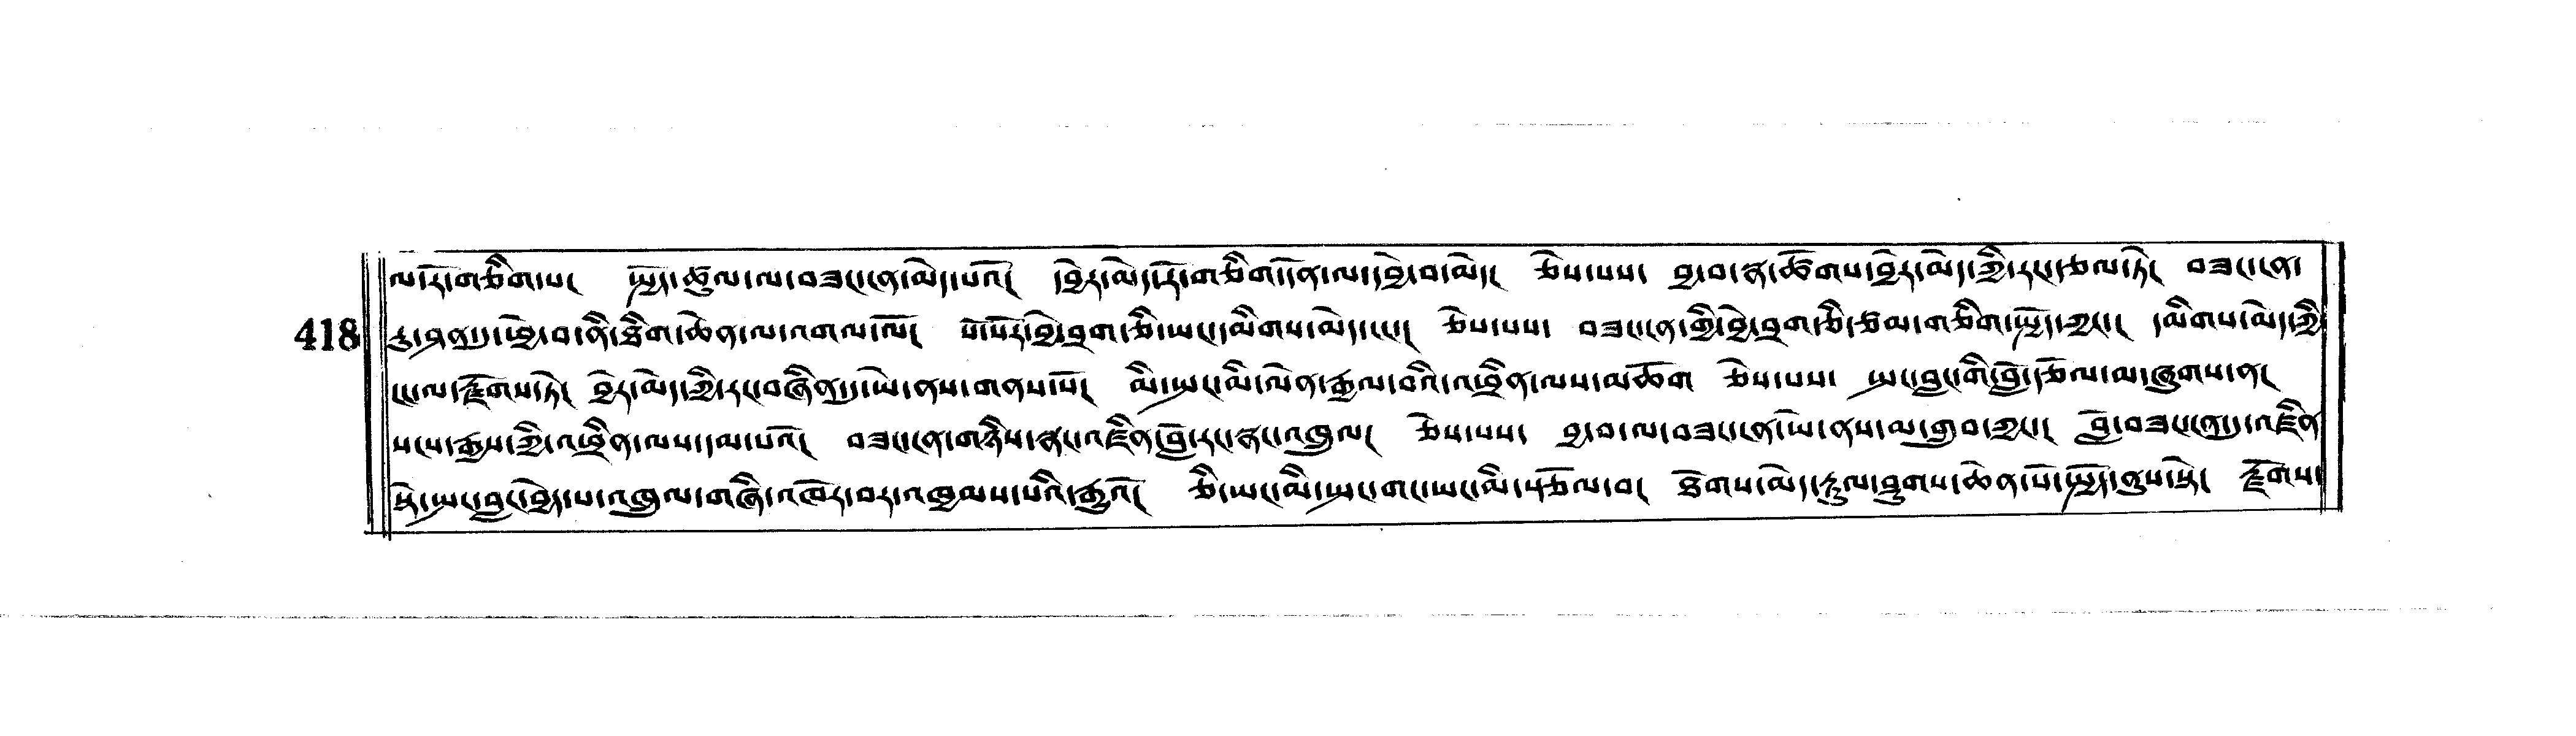ལ་རོ་གཅིག་པ། སྤྱོད་ཚུལ་ལ་བཟང་ངན་མེད་པའོ། དབྱེར་མེད་རོ་གཅིག་དོན་ལ་དབྱེ་བ་མེད། ཅེས་པས། བྱ་བ་སྣ་ཚོགས་དབྱེར་མེད་ཀྱི་རང་རྩལ་ཏེ། བཟང་ངན་
རུ་ཤན་དུ་ཕྱེ་བ་ནི་ཐེག་ཆེན་ལ་འགལ་བའོ། སོ་སོར་བྱེ་བྲག་ཅི་ཡང་དམིགས་མེད་ངང་། ཅེས་པས། བཟང་ངན་གྱི་བྱེ་བྲག་ཅི་ཙམ་གཅིག་སྤྱོད་ཀྱང་། དམིགས་མེད་ཀྱི་
ངང་ལ་རྫོགས་ཏེ། བྱར་མེད་ཀྱི་རང་བཞིན་དུ་ཡེ་ནས་གནས་སོ། མི་སྤང་མི་ལེན་རྒྱལ་བའི་འཕྲིན་ལས་མཆོག ཅེས་པས། སྤང་བླང་གི་བློ་རྩོལ་མ་ཞུགས་ན།
སངས་རྒྱས་ཀྱི་འཕྲིན་ལས་དམ་པའོ། བཟང་ངན་གཉིས་སྣང་འཛིན་བློ་རང་སྣང་འཁྲུལ། ཅེས་པས། བྱ་བ་ལ་བཟང་ངན་ཡེ་ནས་མ་གྲུབ་ཀྱང་། བློ་བཟང་ངན་དུ་འཛིན་
ནས་སྤང་བླང་བྱེད་པ་འཁྲུལ་གཞི་འཁོར་བར་འཁྱམས་པའི་རྒྱུའོ། ཅི་ཡང་མི་སྤང་གང་ཡང་མི་རྩོལ་བ། ཐོགས་མེད་རྟུལ་ཞུགས་ཆེན་པོ་སྤྱོད་ནུས་ཏེ། རྫོགས་